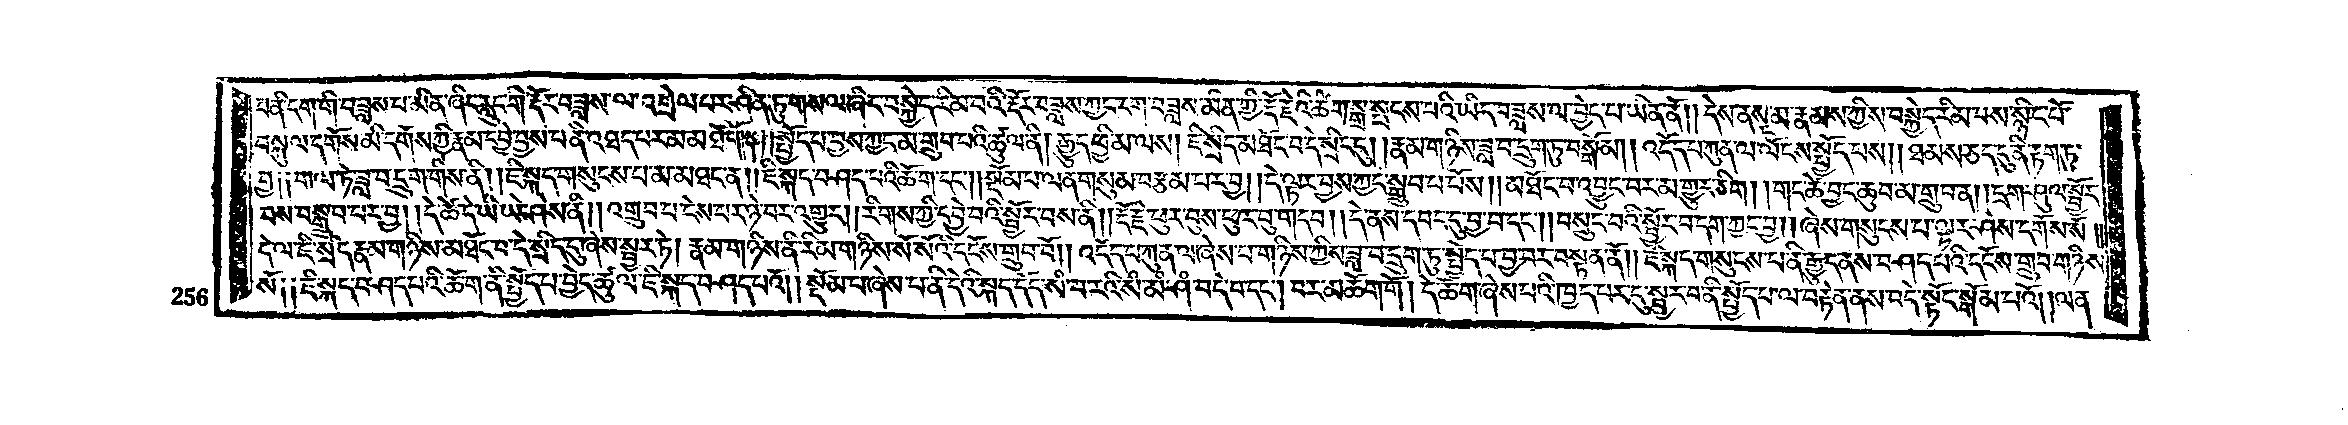པ་ནི་ངག་གི་བཟླས་པ་མིན་ཞིང་རླུང་གི་རྡོར་བཟླས་ལ་འགྲེལ་པར་ཤིན་ཏུ་གསལ་ཞིང་བསྐྱེད་རིམ་པའི་རྡོར་བཟླས་ཀྱང་ངག་བཟླས་མིན་གྱི་རྡོ་རྗེའི་ཚིག་སྒྲ་སྤངས་པའི་ཡིད་བཟླས་ལ་བྱེད་པ་ཡིན་ནོ། །དེས་ནས་སྔ་མ་རྣམས་ཀྱིས་བསྐྱེད་རིམ་པས་སྙིང་པོ་
བསྐུལ་དགོས་མི་དགོས་ཀྱི་རྣམ་དབྱེ་བྱས་པ་ནི་འཐད་པར་མ་མཐོང་ངོ།། ༈ །།སྤྱོད་པ་བྱས་ཀྱང་མ་གྲུབ་པའི་ཚུལ་ནི། རྒྱུད་ཕྱི་མ་ལས། ཇི་སྲིད་མཐོང་བ་དེ་སྲིད་དུ། །རྣམ་གཉིས་ཟླ་བ་དྲུག་ཏུ་བསྒོམ། །འདོད་པ་ཀུན་ལ་ལོངས་སྤྱོད་པས། །ཐམས་ཅད་དུ་ནི་རྟག་ཏུ་
བྱ། །གལ་ཏེ་ཟླ་བ་དྲུག་གིས་ནི། །ཇི་སྐད་གསུངས་པ་མ་མཐོང་ན། །ཇི་སྐད་བཤད་པའི་ཆོ་ག་དང་། །སྡོམ་པ་ལན་གསུམ་བརྩམ་པར་བྱ། །དེ་ལྟར་བྱས་ཀྱང་སྒྲུབ་པ་པོས། །མཐོང་བ་འབྱུང་བར་མ་གྱུར་ཅིག། །གང་ཚེ་བྱང་ཆུབ་མ་གྲུབ་ན། །དྲག་ཤུལ་སྦྱོར་བས་བསྒྲུབ་པར་བྱ། །དེ་ཚེ་དེ་ཡི་ཡེ་ཤེས་ནི། །འགྲུབ་པ་ངེས་པར་ཉེ་བར་འགྱུར། །རིགས་ཀྱི་དབྱེ་བའི་སྦྱོར་བས་ནི། །རྡོ་རྗེ་ཕུར་བུས་ཕུར་བུ་གདབ། །དེ་ནས་དབང་དུ་བྱ་བ་དང་། །བསྲུང་བའི་སྦྱོར་བ་དག་ཀྱང་བྱ། །ཞེས་གསུངས་པ་ལྟར་ཤེས་དགོས་སོ། །
དེ་ལ་ཇི་སྲིད་རྣམ་གཉིས་མཐོང་བ་དེ་སྲིད་དུ་ཞེས་སྦྱར་ཏེ། རྣམ་གཉིས་ནི་རིམ་གཉིས་སོ་སོའི་དངོས་གྲུབ་བོ། །འདོད་པ་ཀུན་ལ་ཞེས་པ་གཉིས་ཀྱིས་ཟླ་བ་དྲུག་ཏུ་སྤྱོད་པ་བྱ་བར་བསྟན་ནོ། །ཇི་སྐད་གསུངས་པ་ནི་རྒྱུད་ནས་བཤད་པའི་དངོས་གྲུབ་གཉིས་
སོ། །ཇི་སྐད་བཤད་པའི་ཆོ་ག་ནི་སྤྱོད་པ་བྱེད་ཚུལ་ཇི་སྐད་བཤད་པའོ། །སྡོམ་པ་ཞེས་པ་ནི་དེའི་སྐད་དོད་སཾ་བ་རའི་སཾ་མཾ་ཤཾ་བདེ་བ་དང་། བར་མཆོག་གོ །དེ་ཆོ་ག་ཞེས་པའི་ཁྱད་པར་དུ་སྦྱར་བ་ནི་སྤྱོད་པ་ལ་བརྟེན་ནས་བདེ་སྟོང་སྒོམ་པའོ། །ལན་